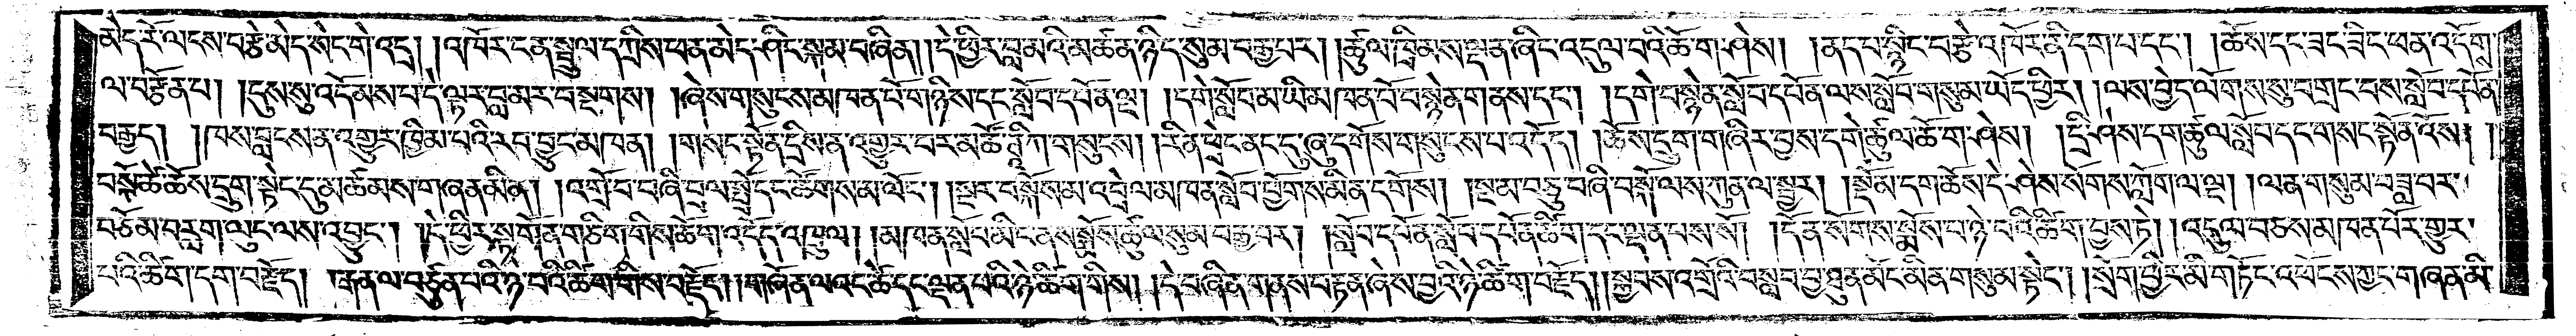མེད་རོ་ལངས་བརྩེ་མེད་སེངྒེ་འདྲ། །འཁོར་ངན་སྦྲུལ་དཀྲིས་ཕན་མེད་ཤིང་སྐམ་བཞིན། །དེ་ཕྱིར་བླ་མའི་མཚན་ཉིད་སུམ་བརྒྱ་པར། །ཚུལ་ཁྲིམས་ལྡན་ཞིང་འདུལ་བའི་ཆོ་ག་ཤེས། །ནད་པ་སྙིང་བརྩེ་འཁོར་ནི་དག་པ་དང་། །ཆོས་དད་ཟང་ཟིང་བན་འདོགས་
ལ་བརྩོན་པ། །དུས་སུ་འདོམས་པ་དེ་ལྟར་བླ་མར་བསྔགས། །ཞེས་གསུངས་མཁན་པོ་གཉིས་དང་སློབ་དཔོན་ལྔ། །དགེ་བསློབ་མ་ཡི་མཁན་པོ་བསྙེན་གནས་དང་། །དགེ་བསྙེན་སློབ་དཔོན་ལས་སློབ་གསུམ་ཡོད་ཕྱིར། །ལས་བྱེད་ལོགས་སུ་བགྲང་བས་སློབ་དཔོན་
བརྒྱད། །ཁས་བླངས་ན་འགྱུར་ཁྱིམ་པའི་རབ་བྱུང་མཁན། །གསང་སྟོན་དྲིས་ན་འགྱུར་བར་མཚོ་ཊཱིཀ་གསུངས། །རིན་ཕྲེང་ནང་དུ་ཞུ་དགོས་གསུངས་པ་འདོད། །ཆོས་དྲུག་གཞིར་བྱས་དགེ་ཚུལ་ཆོ་ག་ཤེས། །དྲི་ཤེས་དགེ་ཚུལ་སློབ་དང་གསང་སྟོན་འོས། །
བསྐོ་ཚེ་ཆོས་དྲུག་སྟེང་དུ་མཚམས་གཞན་མིན། །འགྲོ་བ་བཞི་བྲལ་སྤྲོ་དང་ཚོགས་མ་ལོང་། །སྔར་བསྐོས་མ་འབྲེལ་མཁན་སློབ་ཕྱོགས་མིན་དགོས། །སྔ་མ་བཅུ་བཞི་བསྐོ་ལས་ཀུན་ལ་སྦྱར། །སྔོམ་དག་ཆོས་དེ་ཤེས་སོགས་ཀློག་ལ་ལྔ། །ལན་གསུམ་བཟླ་བར་
བཅོམ་བརླག་ལུང་ལས་འབྱུང་། །དེ་ཕྱིར་སྟ་གོན་གཅིག་གིས་ཆོག་འདོད་འཁྲུལ། །མཁན་སློབ་མིང་ནས་སྨོས་ཚུལ་སུམ་བརྒྱ་བར། །སློབ་དཔོན་སློབ་དཔོན་ཚིག་དང་ལྡན་པས་སོ། །ངོན་སོགས་སྨོས་པ་ཉེ་བའི་ཚིག་བྱས་ཏེ། །འདུལ་བཅས་མཁན་པོར་གྱུར་
པའི་ཚིག་དག་བརྗོད། །རྒན་ལ་བཙུན་པའི་ཉེ་བའི་ཚིག་གིས་བརྗོད། །གཞོན་ལའང་ཚེ་དང་ལྡན་པའི་ཉེ་ཚིག་གིས། །དེ་བཞིན་གནས་བརྟན་ཞེས་བྱའི་ཉེ་ཚིག་བརྗོད། །སྐྱབས་འགྲོའི་བསླབ་བྱ་ཐུན་མོང་མིན་གསུམ་སྟེང་། །སྲོག་ཕྱིར་མི་གཏོང་འཕོངས་ཀྱང་གཞན་མི་